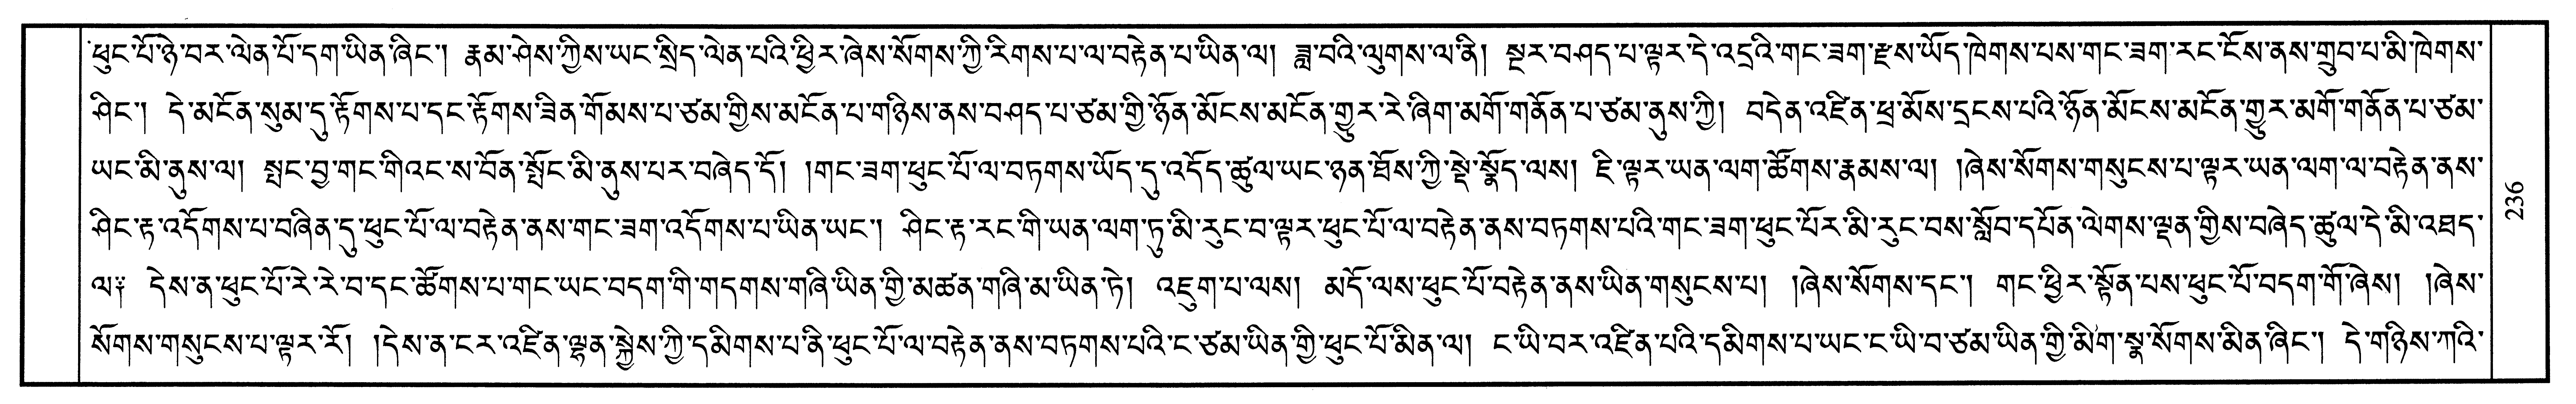ཕུང་པོ་ཉེ་བར་ལེན་པོ་དག་ཡིན་ཞིང་། རྣམ་ཤེས་ཀྱིས་ཡང་སྲིད་ལེན་པའི་ཕྱིར་ཞེས་སོགས་ཀྱི་རིགས་པ་ལ་བརྟེན་པ་ཡིན་ལ། ཟླ་བའི་ལུགས་ལ་ནི། སྔར་བཤད་པ་ལྟར་དེ་འདྲའི་གང་ཟག་རྫས་ཡོད་ཁེགས་པས་གང་ཟག་རང་ངོས་ནས་གྲུབ་པ་མི་ཁེགས་
ཤིང་། དེ་མངོན་སུམ་དུ་རྟོགས་པ་དང་རྟོགས་ཟིན་གོམས་པ་ཙམ་གྱིས་མངོན་པ་གཉིས་ནས་བཤད་པ་ཙམ་གྱི་ཉོན་མོངས་མངོན་གྱུར་རེ་ཞིག་མགོ་གནོན་པ་ཙམ་ནུས་ཀྱི། བདེན་འཛིན་ཕྲ་མོས་དྲངས་པའི་ཉོན་མོངས་མངོན་གྱུར་མགོ་གནོན་པ་ཙམ་
ཡང་མི་ནུས་ལ། སྤང་བྱ་གང་གིའང་ས་བོན་སྤོང་མི་ནུས་པར་བཞེད་དོ། །གང་ཟག་ཕུང་པོ་ལ་བཏགས་ཡོད་དུ་འདོད་ཚུལ་ཡང་ཉན་ཐོས་ཀྱི་སྡེ་སྣོད་ལས། ཇི་ལྟར་ཡན་ལག་ཚོགས་རྣམས་ལ། །ཞེས་སོགས་གསུངས་པ་ལྟར་ཡན་ལག་ལ་བརྟེན་ནས་
ཤིང་རྟ་འདོགས་པ་བཞིན་དུ་ཕུང་པོ་ལ་བརྟེན་ནས་གང་ཟག་འདོགས་པ་ཡིན་ཡང་། ཤིང་རྟ་རང་གི་ཡན་ལག་ཏུ་མི་རུང་བ་ལྟར་ཕུང་པོ་ལ་བརྟེན་ནས་བཏགས་པའི་གང་ཟག་ཕུང་པོར་མི་རུང་བས་སློབ་དཔོན་ལེགས་ལྡན་གྱིས་བཞེད་ཚུལ་དེ་མི་འཐད་
ལ༑ དེས་ན་ཕུང་པོ་རེ་རེ་བ་དང་ཚོགས་པ་གང་ཡང་བདག་གི་གདགས་གཞི་ཡིན་གྱི་མཚན་གཞི་མ་ཡིན་ཏེ། འཇུག་པ་ལས། མདོ་ལས་ཕུང་པོ་བརྟེན་ནས་ཡིན་གསུངས་པ། །ཞེས་སོགས་དང་། གང་ཕྱིར་སྟོན་པས་ཕུང་པོ་བདག་གོ་ཞེས། །ཞེས་
སོགས་གསུངས་པ་ལྟར་རོ། །དེས་ན་ངར་འཛིན་ལྷན་སྐྱེས་ཀྱི་དམིགས་པ་ནི་ཕུང་པོ་ལ་བརྟེན་ནས་བཏགས་པའི་ང་ཙམ་ཡིན་གྱི་ཕུང་པོ་མིན་ལ། ང་ཡི་བར་འཛིན་པའི་དམིགས་པ་ཡང་ང་ཡི་བ་ཙམ་ཡིན་གྱི་མིག་སྣ་སོགས་མིན་ཞིང་། དེ་གཉིས་ཀའི་